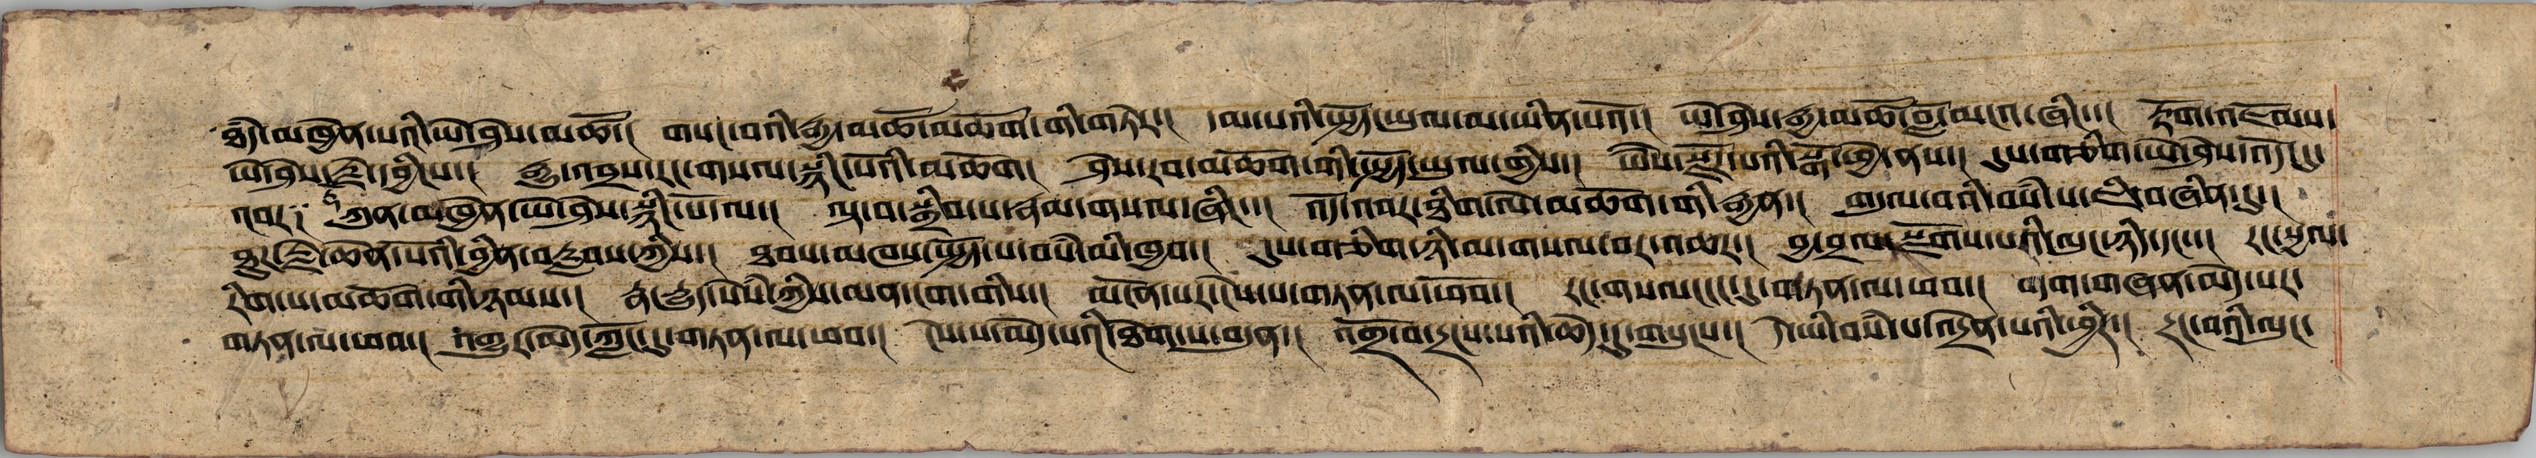ཐཾད་མཁྱེན་པའི་ཡེ་ཤེས་མཚོ་། གསང་བའི་རྒྱ་མཚོ་མཆོག་གི་གཏེར་། དམ་པའི་སྤྱོད་ཡུལ་མ་ཡིན་པའོ་། ཡེ་ཤེས་རྒྱ་མཚོ་བློ་མངའ་ཞིང་་། རྟོག་འཇོམས་
ཡེ་ཤེས་རྡོ་རྗེ་དབྱིངས་། རྒྱུ་འབྲས་རང་གསལ་སྙིང་པོའི་མཆོག། ཤེས་རབ་མཆོག་གི་སྤྱོད་ཡུལ་གྱིས་། ཡཻས་སྫོཌ་པའི་སྒོ་ཕྱེ་ནས་། དུས་གཅིག་ཡེ་ཤེས་འོད་དུ་
འབར༑ ཀུན་མཁྱེན་ཡེ་ཤེས་སྙིང་པོ་ལ་། ལྟ་བ་སྒྲིབ་པ་རྣམ་གསལ་ཞིང་་། འོད་འབར་ཐིག་ལེ་མཆོག་གི་རྒྱན་། གདུལ་བའི་བསཾ་པ་ཇི་བཞིན་དུ་།
ཐུཌ་རྗེ་ཆེན་པོའི་བྱིན་བརླབས་ཀྱིས་། ཐབས་མཁས་སྤྱོད་པ་བསཾ་མི་ཁྱབ་། དུས་གཅིག་ཉི་མ་གསལ་བར་འཆར་། བྱ་བྲལ་སྫོགས་པའི་ལུང་ཉིད་དང་་། རང་སྱལ་
རིག་པ་མཆོག་གི་ཉམས་། རྣ་དྱུད་སེཾས་ཀྱིས་མན་ངག་གིས་། མངོན་པར་ངེས་པ་གཏན་ལ་ཕོབ་། རང་གསལངངང་དུ་གཏན་ལ་ཕབ་། བདག་གཞན་མེད་པར་
གཏན་ལ་ཕབ་། འགྱུར་མེད་ཀློང་དུ་གཏན་ལ་ཕབ་། ངེས་པ་མེད་པའི་ཐེག་པ་བདུན་། འགྲོ་བ་དྲངས་པའི་ཆེད་དུ་གསུངས་། དེ་ཡི་བསཾ་པ་འདྲེན་པའི་ཕྱིར་། དྲང་བའི་ལུང་